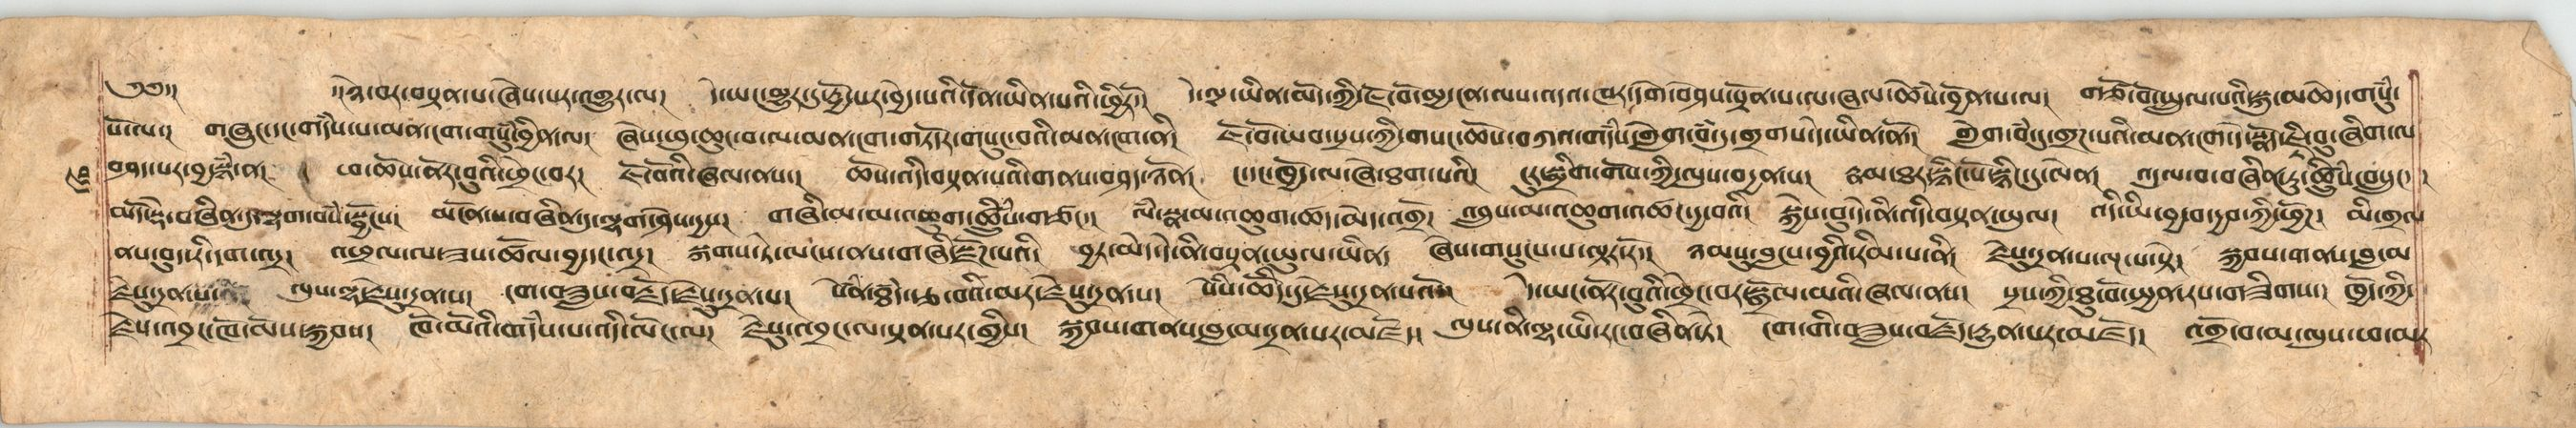་།ཉེ་བར་བསྟན་པ་ཞེས་པར་འགྱུར་ལ། དེ་ཡང་མྱུར་དུ་བྱོ་པར་བྱེད་པའི་དོན་ཡིན་པའི་ཕྱིརོ་། དེ་ལྟ་ཡིན་མོད་ཀྱི་ཇོ་བོ་མྱ་ངན་ལས་འདའ་ཁར་དགེ་བཤེས་སྟོན་པ་ལ་ཞལ་ཆེཾས་བྱོན་པ་ན། གཙོ་བོ་སྤྲུལ་པའི་སྐུ་མཆེད་གསུཾ་
པོ་ལ། གཞུང་དང་གདཾས་པ་མན་ངག་གསུཾ་བྱིན་ལ། ཞེས་ཕུ་ཆུང་བ་ལ་མན་ངག་གཏོདར་གསུང་བའི་མན་ངག་ནི། ཇོ་བོ་ཡབ་སྲས་ཀྱི་གསང་ཆོས་བཀའ་གདཾས་གླེག་བཾ་དུ་གྲགས་དེ་ཡིན་ནོ་། གླེག་བཾ་དུ་གྲཌ་པའི་མན་ངག་དེ་སྣོད་ཇྟིབུ་ཞིག་ལ
བཤད་པར་བྱ་སྙཾ་ན། ཕ་ཆོས་ནོར་བུའི་ཕྲེང་བར། ཇོ་བོའི་ཞལ་ནས་། ཆོས་འདི་བསྟན་པའི་གནས་བཤད་ཉོན། ང་དང་ཁྱོད་ལ་ཞེ་ཐག་པའི། ངུར་སྨྲིག་གོས་ཀྱི་ལུས་བདྱན་པ། རྣམ་ཐར་སྙིང་པོ་སྙིང་དུ་ལེན། འདུལ་བབཞིན་ཏུ་ཚྲིུཾས་བསྲུང་། །
མདོ་སྡེ་བཞིན་དུ་ལྷག་བསཾ་སྦྱོངས་། མངོན་པ་བཞིན་དུ་ལྷག་ཤེས་དྱས། གཞི་མ་མ་འཆུག་ཚྲིུཾས་གཙང་། ལཾ་སྣ་མ་འཆུག་ཚད་མེད་འགྲོ། འབྲུས་མ་འཆུག་འཚང་དྱ་བའི། སྐྱེས་བུ་དེ་ནི་འདི་བསྟན་ཡུལ། འདི་ཡི་བྱ་བ་རྒྱབ་ཀྱི་ཕྱོཌ། མི་གྲལ
ནས་བུད་རི་དྭག་འདྲ། འཕྲལ་ལ་ཟས་ཚོལ་བྱ་དང་འདྲ། སྐགས་ཏེ་ལངས་ནས་གཞི་སྫོཌ་པའི། བྱར་མེད་དེ་ནི་བསྟན་ཡུལ་ཡིན། ཞེས་གསུངས་པ་ལྟར་རོ་། ཉམསུ་་བླང་བྱའི་རིམ་པ་ནི། རྗེསུ་དྲན་པ་ལྔ་པ་སྟེ། སྐྱབས་གནས་བླ་མ
རྗེས་སུ་དྲན་པ། ལུས་ལྷ་རྗེསུ་དྲན་པ། ངག་བཟླས་བརྗོད་་རྗེསུ་དྲན་པ། སེཾན་ཐཾད་རྩ་བའི་མར་རྗེསུ་དྲན་པ། སེཾས་ཆོིད་དུ་རྗེསུ་དྲན་པའོ་། དེ་ཡང་ནོར་བུའི་ཕྲེང་བར་སྒྲོལ་མའི་ཞལ་ནས་། སྲས་ཀྱི་ཐུ་བོ་སྤྱན་རས་གཟིགས་།། ཁྱོད་ཀྱི་
རྗེས་འབྲང་ཁོ་མོས་སྐྱབས། ཁོ་མོའི་གདཾས་པ་འདི་ལོང་ལ། རྗེསུ་འབྲང་ལ་སྟན་པར་གྱིས། སྐྱབས་གནས་བླ་མ་དྲན་པར་མཛོད། ལུས་ནི་ལྷ་ཡི་རང་བཞིན་ཏེ། ངག་གི་བཟླས་བརྗོད་རྒྱུན་པར་མཛོད། འགྲོ་བ་མ་ལུས་ཕ་མར